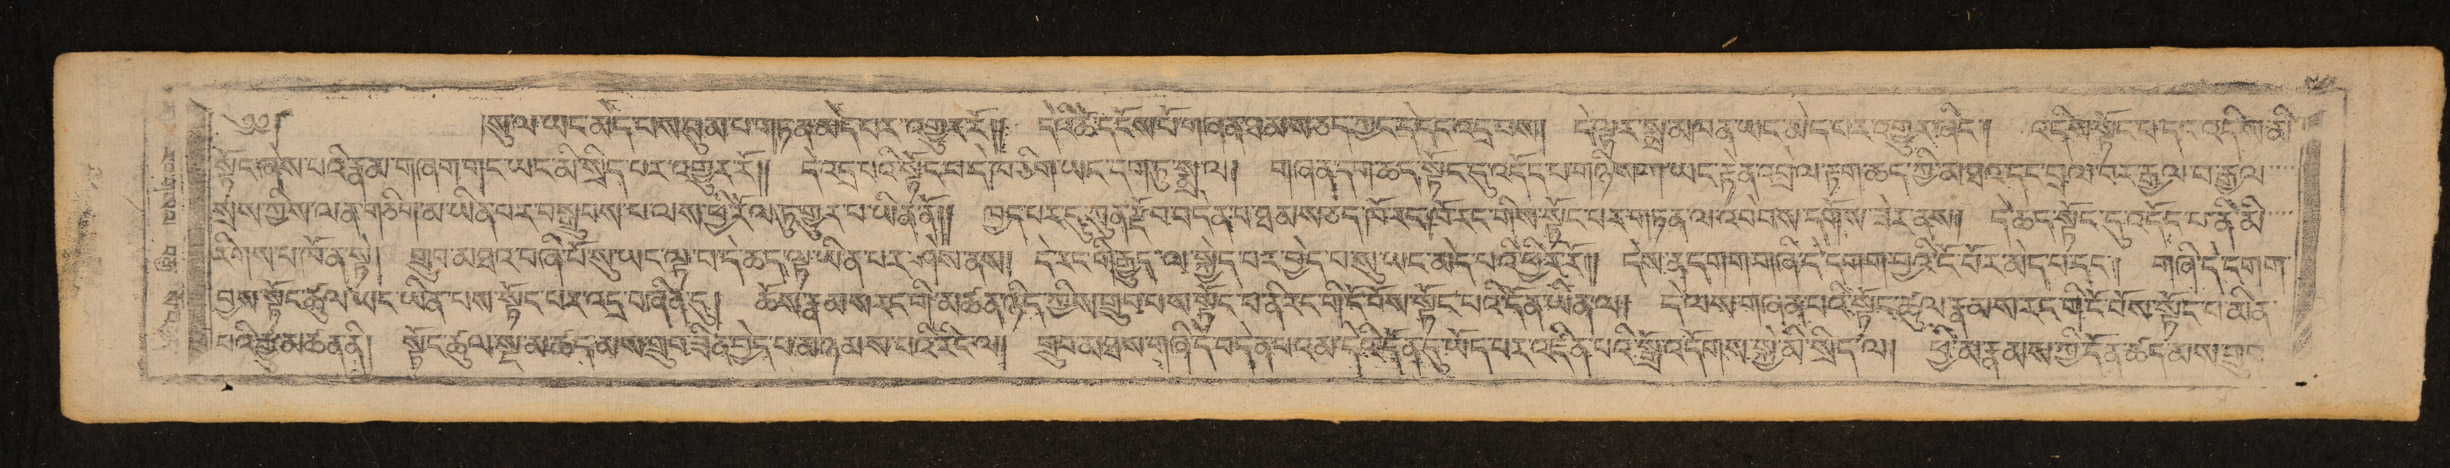༄༅། །སུ་ལ་ཡང་མེད་པས་བུམ་པ་གཏན་མེད་པར་འགྱུར་རོ།། དེའི་ཚེ་དངོས་པོ་གཞན་ཐམས་ཅད་ཀྱང་དེ་དང་འདྲ་བས། དེ་ལྟར་སྨྲ་མཁན་ཡང་མེད་པར་འགྱུར་ཞིང་། འདིས་སྟོང་པ་དང་འདིས་མི་
སྟོང་ཞེས་པའི་རྣམ་གཞག་གང་ཡང་མི་སྲིད་པར་འགྱུར་རོ།། དེ་འདྲ་བའི་སྟོང་པ་དེ་ཁ་ཅིག་ཡང་དག་ཏུ་སྨྲ་ལ། གཞན་དག་ཆད་སྟོང་དུ་འདོད་པ་གཉིས་ཀ་ཡང་རྟེན་འབྲེལ་རྟག་ཆད་ཀྱི་མཐའ་དང་བྲལ་བར་རྒྱལ་བ་རྒྱལ་
སྲས་ཀྱིས་ལན་གཅིག་མ་ཡིན་པར་བསྒྲུབས་པ་ལས་ཕྱི་རོལ་ཏུ་གྱུར་པ་ཡིན་ནོ།། ཁྱད་པར་དུ་ཀུན་རྫོབ་བདེན་པ་ཐམས་ཅད་ཁོ་རང་ཁོ་རང་གིས་སྟོང་པར་གཏན་ལ་འབེབས་དགོས་ཟེར་ནས། དེ་ཆད་སྟོང་དུ་འདོད་པ་ནི་མི་
རིགས་པ་ཁོ་ན་སྟེ། གྲུབ་མཐའ་བཞི་པོ་སུ་ཡང་ལྟ་བ་དེ་ཆད་ལྟ་ཡིན་པར་ཤེས་ནས། དེ་རང་གི་རྒྱུད་ལ་སྐྱེད་པར་བྱེད་པ་སུ་ཡང་མེད་པའི་ཕྱིར་རོ།། དེས་ན་དགག་བཞི་དེ་དགག་བྱའི་ངོ་བོར་མེད་པ་དང་། གཞི་དེ་དགག་
བྱས་སྟོང་ཚུལ་ཡང་ཡིན་པས་སྟོང་པར་འདྲ་བཞིན་དུ། ཆོས་རྣམས་རང་གི་མཚན་ཉིད་ཀྱིས་གྲུབ་པས་སྟོང་པ་ནི་རང་གི་ངོ་བོས་སྟོང་པའི་དོན་ཡིན་ལ། དེ་ལས་གཞན་པའི་སྟོང་ཚུལ་རྣམས་རང་གི་ངོ་བོས་སྟོང་པ་མིན་
པའི་རྒྱུ་མཚན་ནི། སྟོང་ཚུལ་སྔ་མ་ཚད་མས་གྲུབ་ཟིན་བྱེད་པ་མ་ཉམས་པའི་རིང་ལ། གྲུབ་མཐས་གཞི་དེ་བདེན་པའམ་དེའི་དོན་དུ་ཡོད་པར་འཛིན་པའི་སྒྲོ་འདོགས་སྐྱེ་མི་སྲིད་ལ། ཕྱི་མ་རྣམས་ཀྱི་དོན་ཚད་མས་གྲུབ་